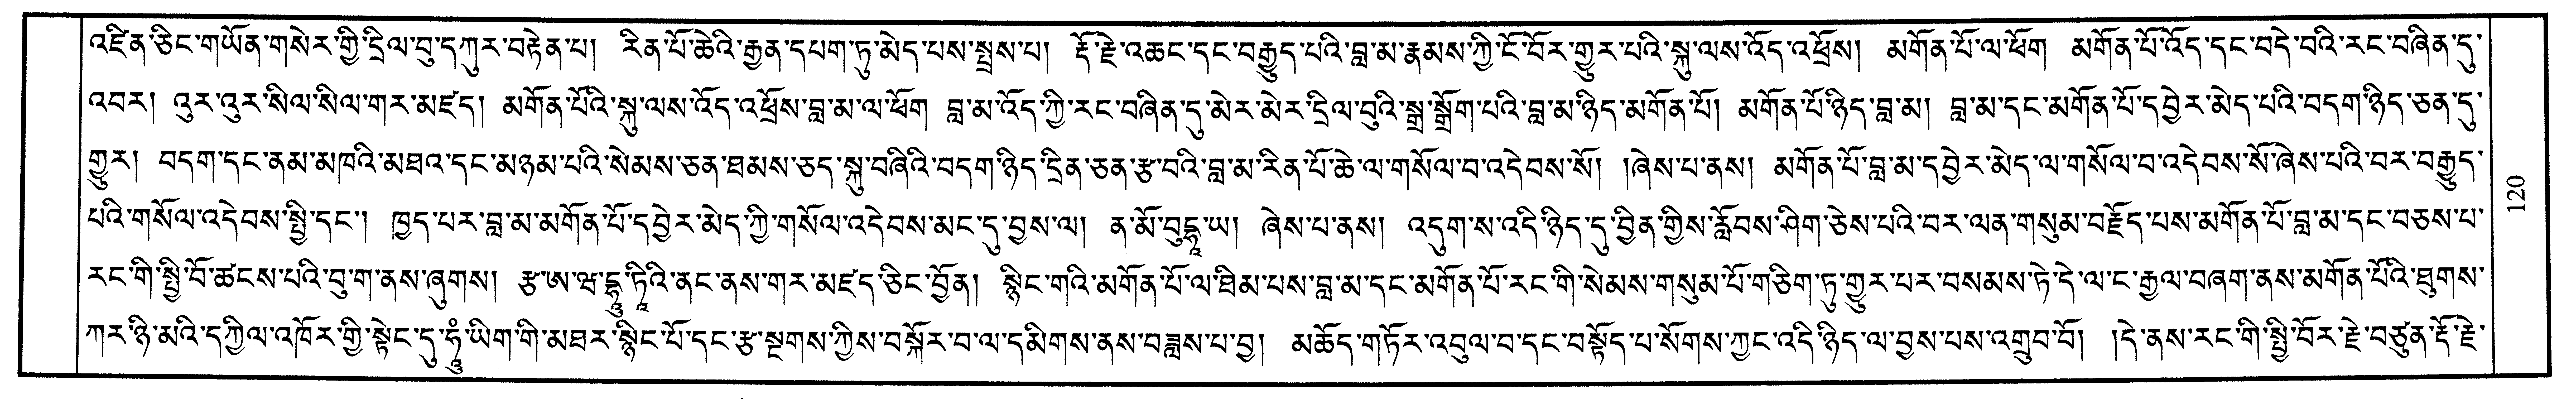འཛིན་ཅིང་གཡོན་གསེར་གྱི་དྲིལ་བུ་དཀུར་བརྟེན་པ། རིན་པོ་ཆེའི་རྒྱན་དཔག་ཏུ་མེད་པས་སྤྲས་པ། རྡོ་རྗེ་འཆང་དང་བརྒྱུད་པའི་བླ་མ་རྣམས་ཀྱི་ངོ་བོར་གྱུར་པའི་སྐུ་ལས་འོད་འཕྲོས། མགོན་པོ་ལ་ཕོག །མགོན་པོ་འོད་དང་བདེ་བའི་རང་བཞིན་དུ་
འབར། །འུར་འུར་སིལ་སིལ་གར་མཛད། མགོན་པོའི་སྐུ་ལས་འོད་འཕྲོས་བླ་མ་ལ་ཕོག །བླ་མ་འོད་ཀྱི་རང་བཞིན་དུ་མེར་མེར་དྲིལ་བུའི་སྒྲ་སྒྲོག་པའི་བླ་མ་ཉིད་མགོན་པོ། །མགོན་པ་ཉིད་བླ་མ། བླ་དང་མགོན་པོ་དབྱེར་མེད་པའི་བདག་ཉིད་ཅན་དུ་
གྱུར། བདག་དང་ནམ་མཁའི་མཐའ་དང་མཉམ་པའི་སེམས་ཅན་ཐམས་ཅད་སྐུ་བཞིའི་བདག་ཉིད་དྲིན་ཅན་རྩ་བའི་བླ་མ་རིན་པོ་ཆེ་ལ་གསོལ་བ་འདེབས་སོ། །ཞེས་པ་ནས། མགོན་པོ་བླ་མ་དབྱེར་མེད་ལ་གསོལ་བ་འདེབས་སོ་ཞེས་པའི་བར་བརྒྱུད་
པའི་གསོལ་འདེབས་སྤྱི་དང་། ཁྱད་པར་བླ་མ་མགོན་པོ་དབྱེར་མེད་ཀྱི་གསོལ་འདེབས་མང་དུ་བྱས་ལ། ན་མོ་བྷུདྷཱ་ལ། ཞེས་པ་ནས། འདུག་ས་འདི་ཉིད་དུ་བྱིན་གྱིས་རློབས་ཤིག་ཅེས་པའི་བར་ལན་གསུམ་བརྗོད་པས་མགོན་པོ་བླ་མ་དང་བཅས་པ་
རང་གི་སྤྱི་བོ་ཚངས་པའི་བུ་ག་ནས་ཞུགས། རྩ་ཨ་ཝ་དྷཱུ་ཏཱིའི་ནང་ནས་གར་མཛད་ཅིང་བྱོན། སྙིང་གའི་མགོན་པོ་ལ་ཐིམ་པས་བླ་མ་དང་མགོན་པོ་རང་གི་སེམས་གསུམ་པོ་གཅིག་ཏུ་གྱུར་པར་བསམས་ཏེ་དེ་ལ་ང་རྒྱལ་བཞག་ནས་མགོན་པོའི་ཐུགས་
ཀར་ཉི་མའི་དཀྱིལ་འཁོར་གྱི་སྟེང་དུ་ཧཱུཾ་ཡིག་གི་མཐར་སྙིང་པོ་དང་རྩ་སྔགས་ཀྱིས་བསྐོར་བ་ལ་དམིགས་ནས་བཟླས་པ་བྱ། མཆོད་གཏོར་འབུལ་བ་དང་བསྟོད་པ་སོགས་ཀྱང་འདི་ཉིད་ལ་བྱས་པས་འགྲུབ་བོ། །དེ་ནས་རང་གི་སྤྱི་བོར་རྗེ་བཙུན་རྡོ་རྗེ་